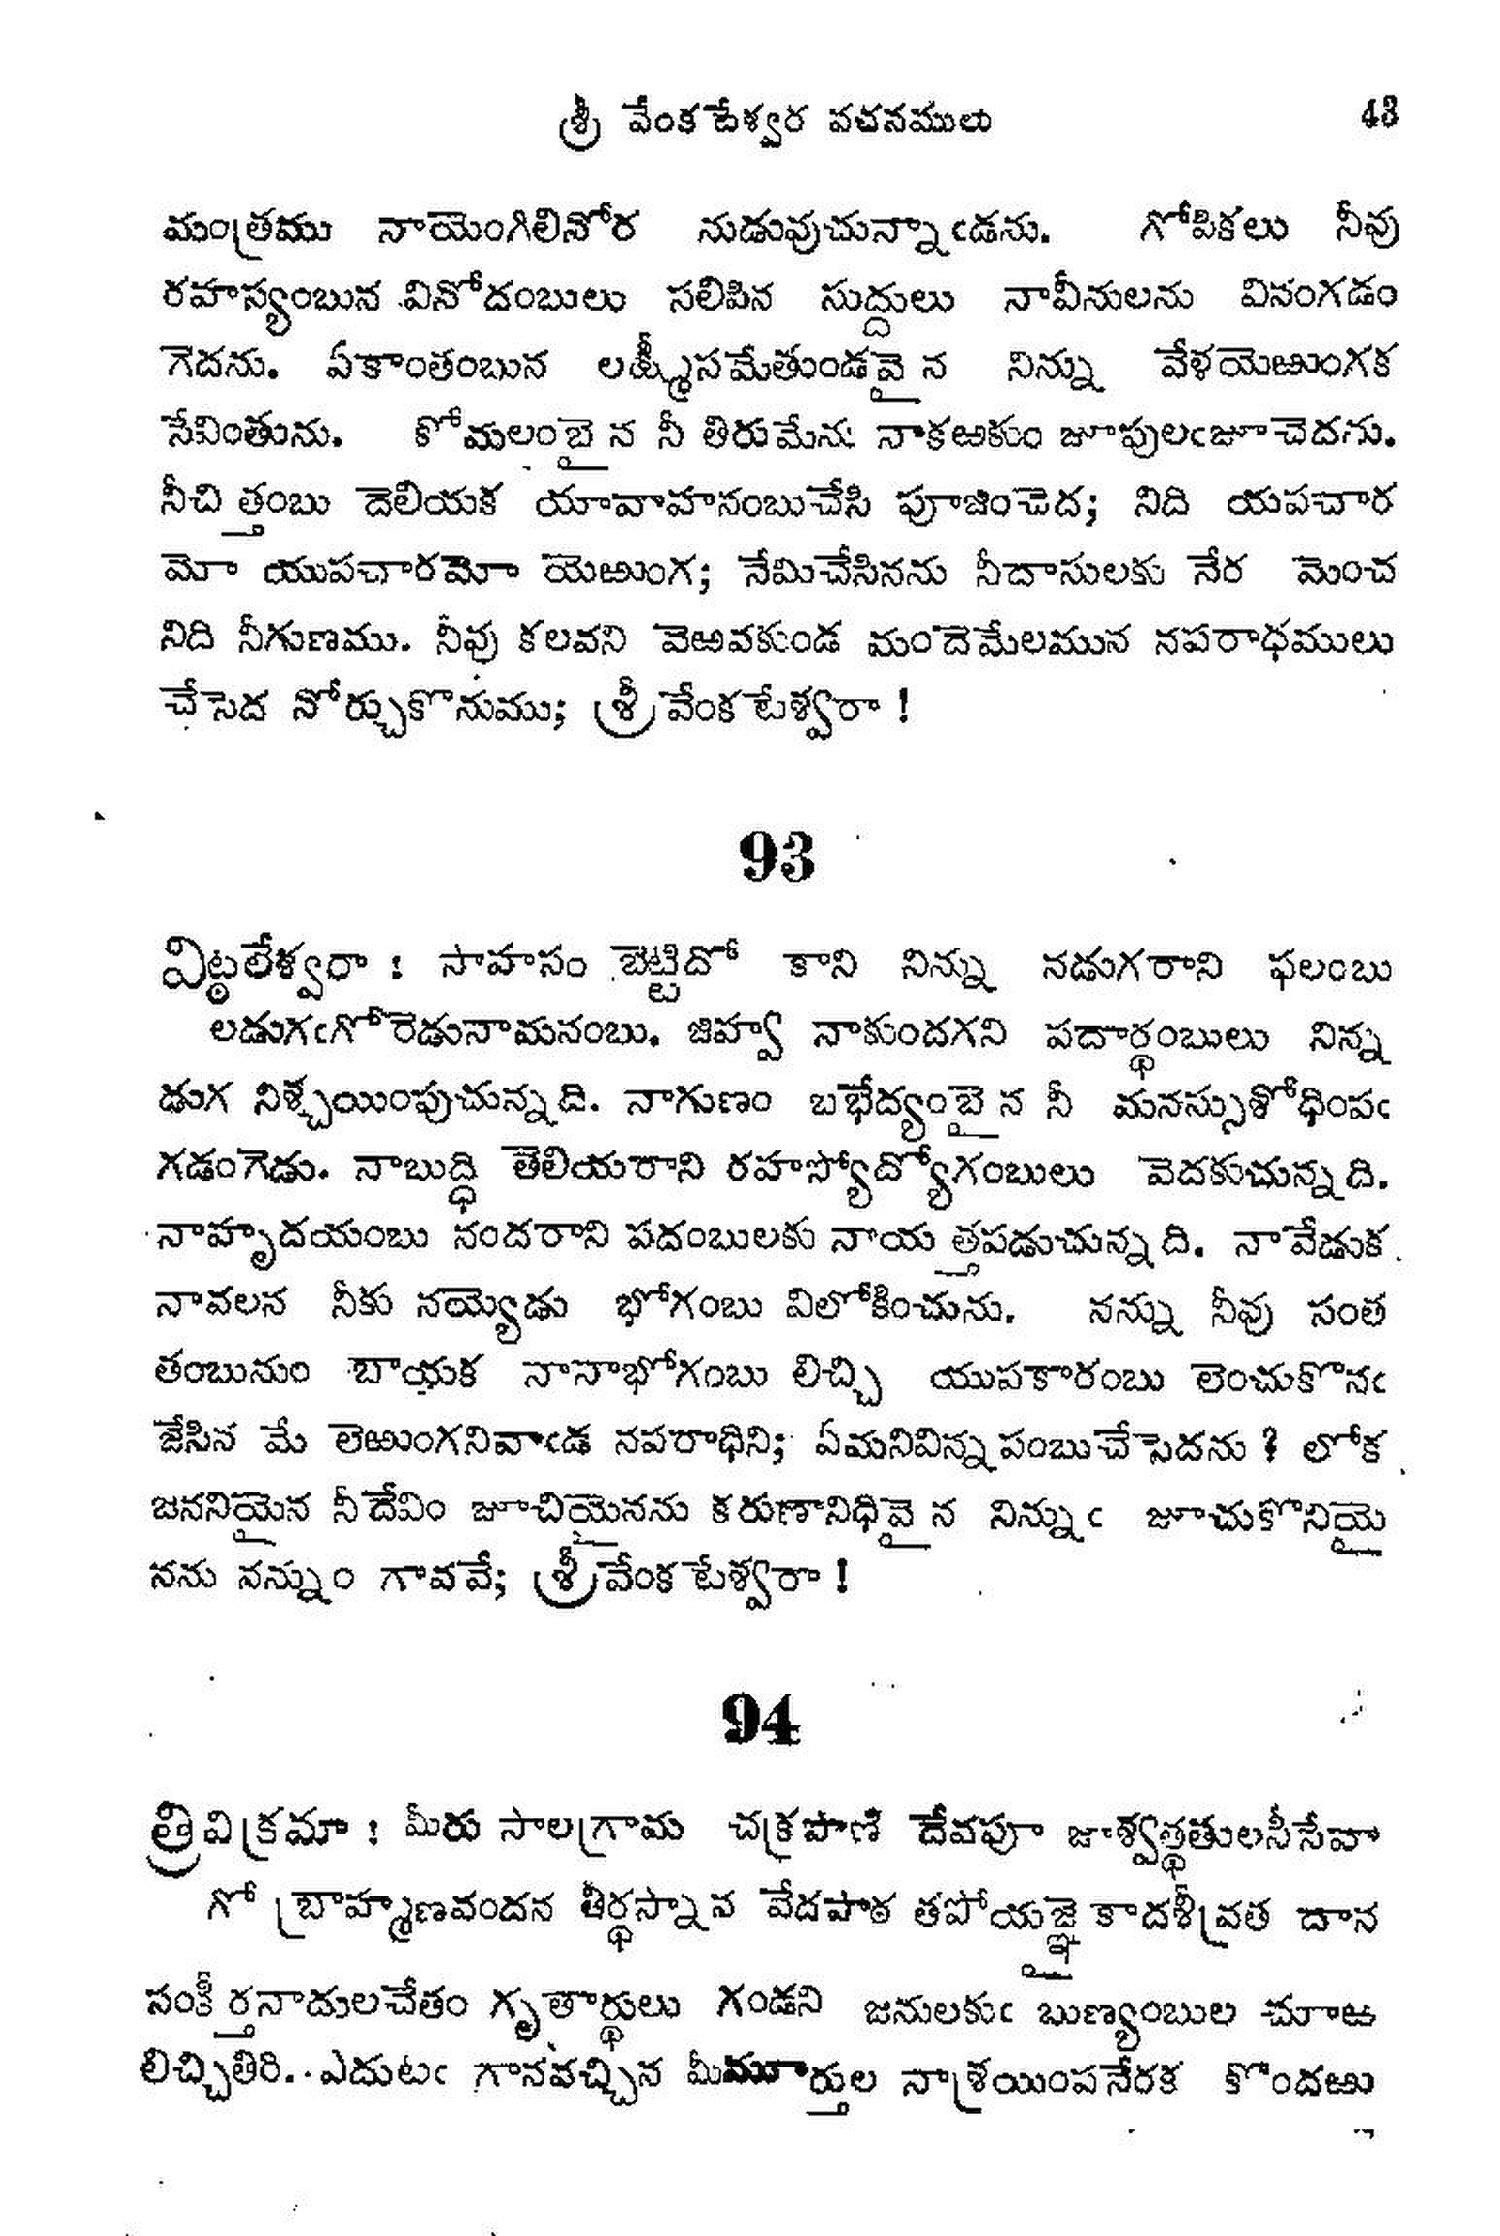మంత్రము నాయెంగిలినోర నుడువుచున్నాఁడను. గోపికలు నీవు రహస్యంబున వినోదంబులు సలిపిన సుద్దులు నావీనులను వినంగడం గెదను. ఏకాంతంబున లక్ష్మీ సమేతుండవైన నిన్ను వేళయెఱుంగక సేవింతును. కోమలంబైన నీ తిరుమేను నాకఱకుం జూపులఁజూచెదను. నీచిత్తంబు దెలియక యావాహనంబు చేసి పూజించెద; నిది యపచారమో యుపచారమో యెఱుంగ; నేమిచేసినను నీదాసులకు నేర మెంచ నిది నీగుణము. నీవు కలవని వెఱవకుండ మందెమేలమున నపరాధములు చేసెద నోర్చుకొనుము; శ్రీ వేంక టేశ్వరా !

93

 ! సాహసం బెట్టిదో కాని నిన్ను నడుగ రాని ఫలంబు
లడుగఁగోరెడునామనంబు, జిహ్వ నాకుందగని పదార్థంబులు నిన్న డుగ నిశ్చయింపుచున్నది. నాగుణం బభేద్యంబైన నీ మనస్సుశోధింప గడంగెడు. నాబుద్ది తెలియరాని రహస్యోద్యోగంబులు వెదకుచున్నది. 'నాహృదయంబు నందరాని పదంబులకు నాయ త్తపడుచున్నది. నా వేడుక. నావలన నీకు నయ్యెడు. భోగంబు విలోకించును. నన్ను నీవు సంత తంబునుం బాయక నానాభోగంబు లిచ్చి యుపకారంబు లెంచుకొన జేసిన మే లెఱుంగనివాఁడ నపరాధిని; ఏమనివిన్నపంబు చేసెదను ? లోక జననియైన నీ దేవిం జూచియైనను కరుణానిధివైన నిన్నుఁ జూచుకొనియై నను నన్నుం గావవే; శ్రీవేంకటేశ్వరా ! జ్ఞై

94

 ! మీరు సాలగ్రామ చక్రపాణి దేవపూజా శ్వత్ధతులసీ సేవాగో బ్రాహ్మణవందన తీర్థస్నాన వేదపాఠ తపోయజ్ఞై కాదశీ వ్రత దాన సంకీర్తనాదుల చేతం గృతార్థులు గండని జనులకుఁ బుణ్యంబుల చూఱ లిచ్చితిరి. ఎదుటఁ గానవచ్చిన మీమూర్తుల నాశ్రయింప నేరక కొందఱు